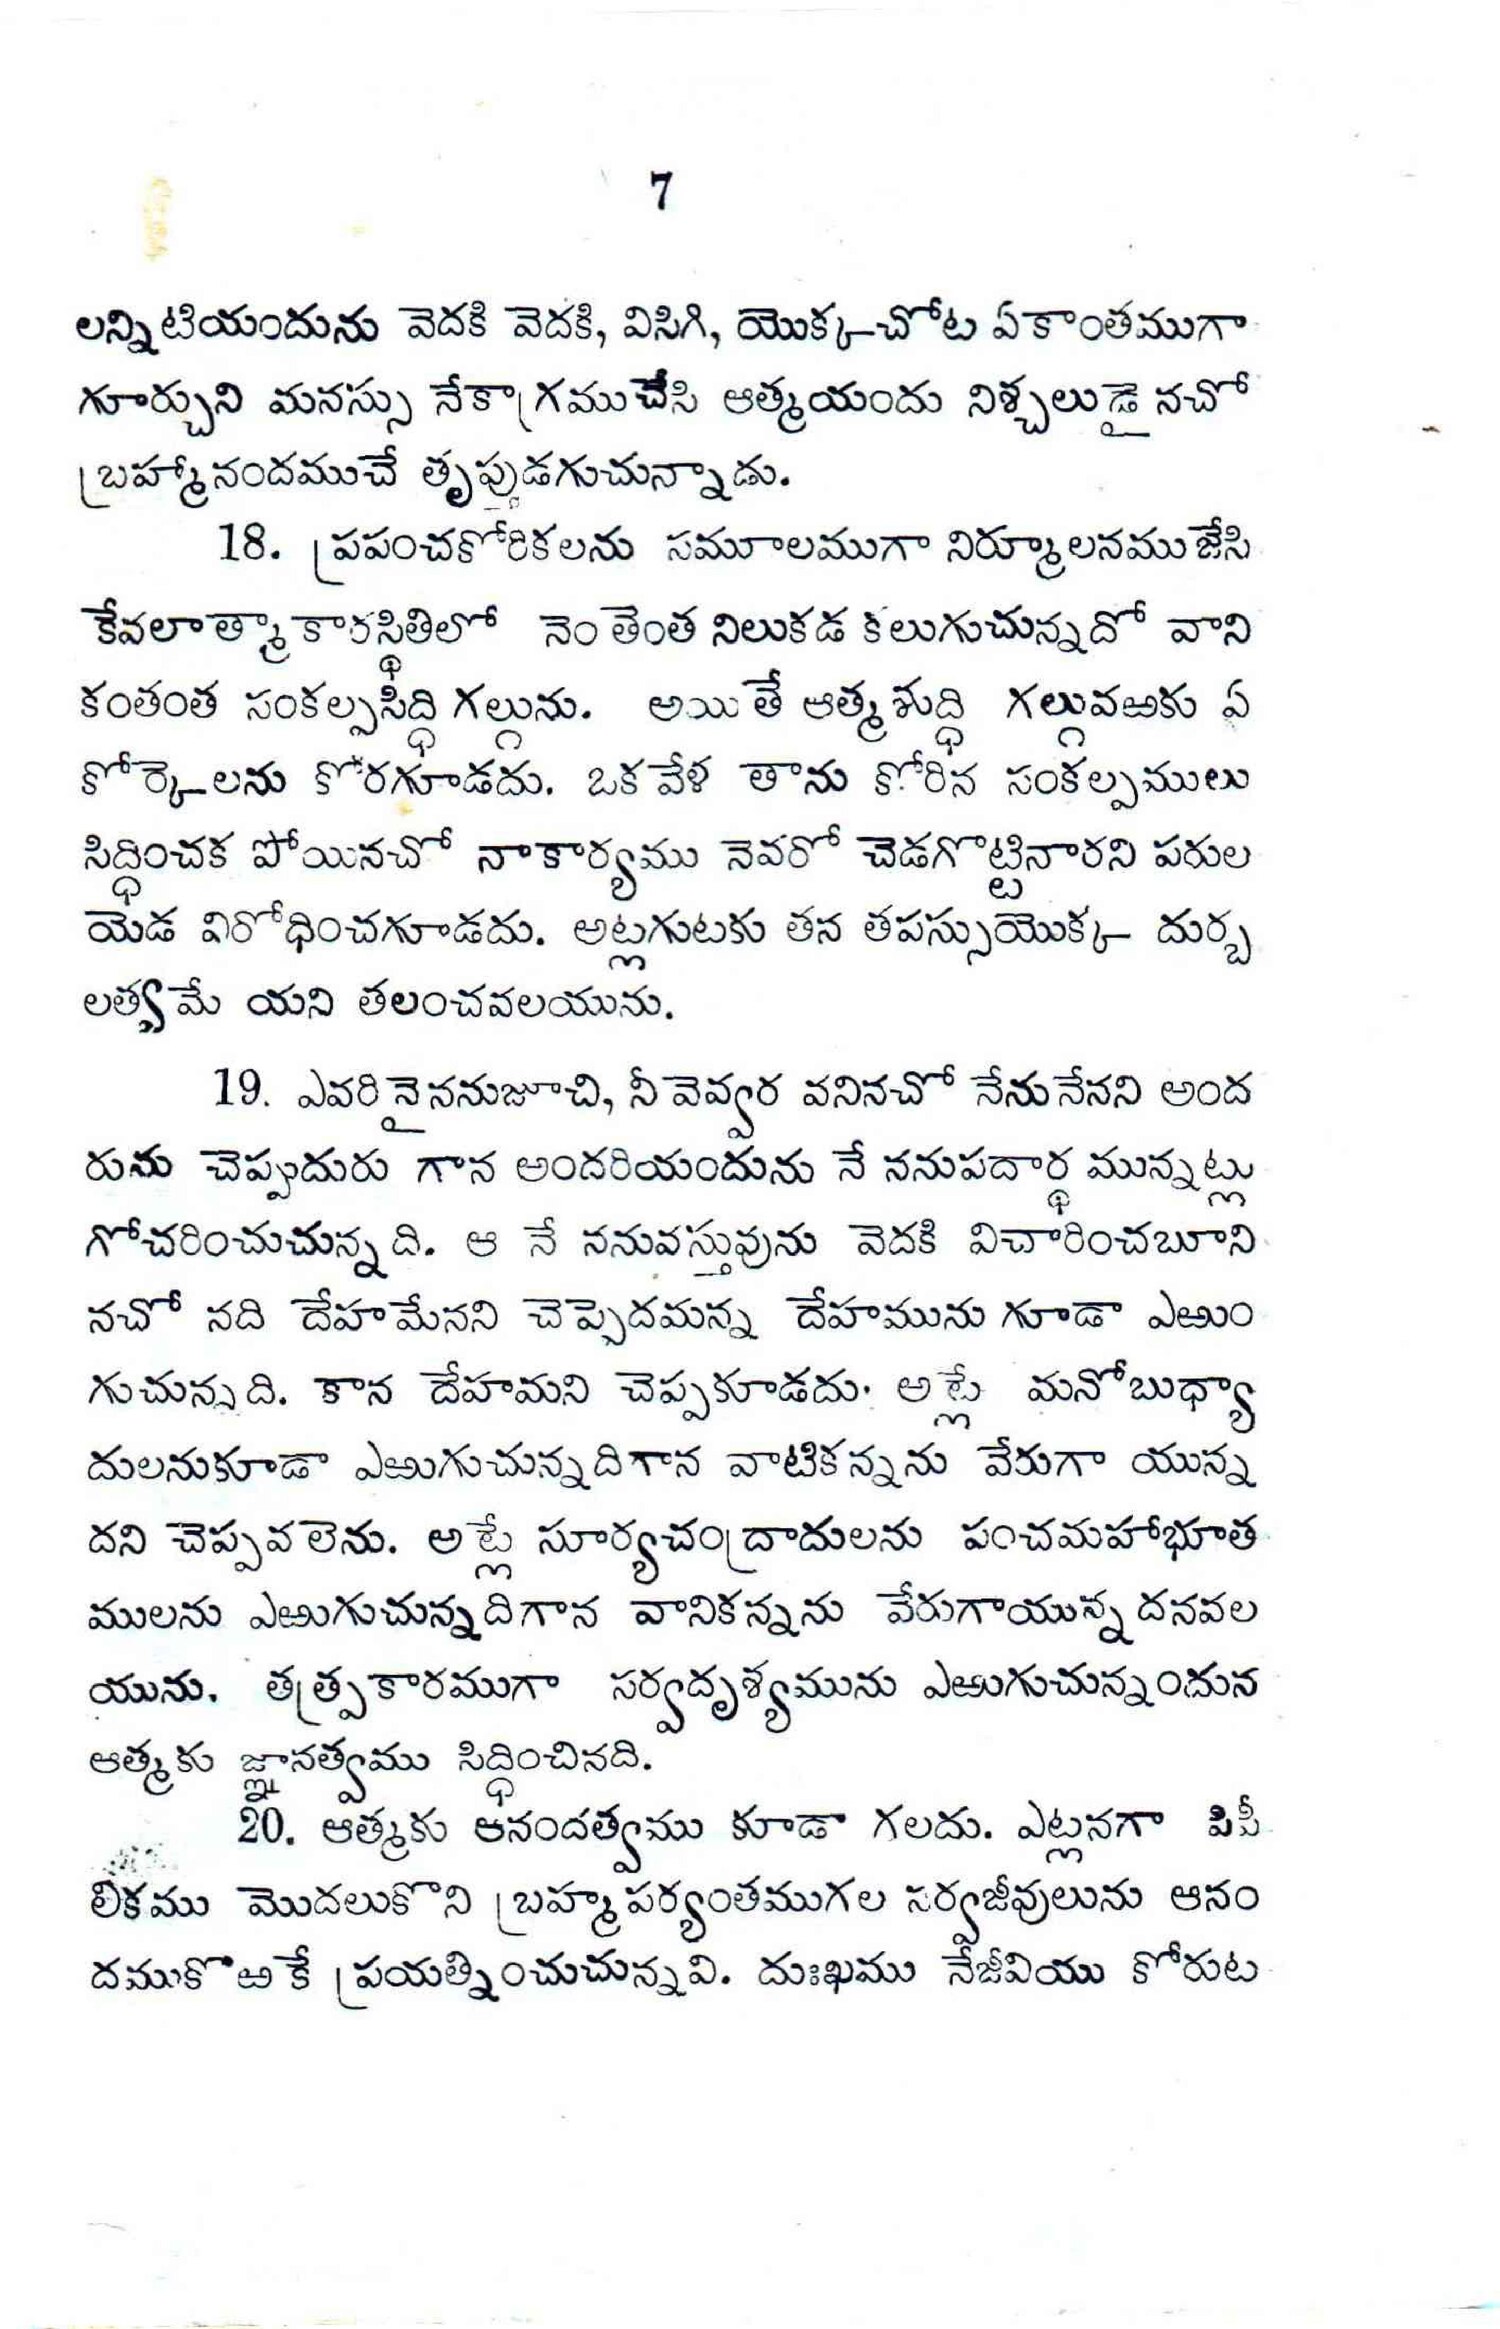లన్నిటియందును వెదకి వెదకి, విసిగి, యొక్కచోట ఏకాంతముగా గూర్చుని మనస్సు నేకాగ్రముచేసి ఆత్మయందు నిశ్చలుడైనచో బ్రహ్మానందముచే తృప్తుడగుచున్నాడు.

18. ప్రపంచకోరికలను సమూలముగా నిర్మూలనము జేసి కేవలాత్మాకారస్థితిలో నెం తెంత నిలుకడ కలుగుచున్నదో వాని
కంతంత సంకల్పసిద్ధి గల్గును. అయితే ఆత్మ శుద్ది గల్గువఱకు ఏ కోర్కెలను కోరగూడదు. ఒక వేళ తాను కోరిన సంకల్పములు
సిద్ధించక పోయినచో నాకార్యము నెవరో చెడగొట్టినారని పరులయెడ విరోధించగూడదు. అట్లగుటకు తన తపస్సు యొక్క దుర్బలత్వమే యని తలంచవలయును.

19. ఎవరినైననుజూచి, నీ వెవ్వర వనినచో నేను నేనని అందరును చెప్పుదురు గాన అందరియందును నే ననుపదార్ద మున్నట్లు గోచరించుచున్నది. ఆ నే ననువస్తువును వెదకి విచారించబూనినచో నది దేహమేనని చెప్పెదమన్న దేహమును గూడా ఎఱుంగుచున్నది. కాన దేహమని చెప్పకూడదు. అట్లే మనోబుధ్యాదులనుకూడా ఎఱుగుచున్నదిగాన వాటికన్నను వేరుగా యున్నదని చెప్పవలెను. అట్లే సూర్యచంద్రాదులను పంచమహాభూతములను ఎఱుగుచున్నదిగాన వానికన్నను వేరుగాయున్న దనవలయును. తత్ప్రకారముగా సర్వదృశ్యమును ఎఱుగుచున్నందున ఆత్మకు జ్ఞానత్వము సిద్ధించినది.

20. ఆత్మకు ఆనందత్వము కూడా గలదు. ఎట్లనగా పిపీలీకము మొదలుకొని బ్రహ్మపర్యంతముగల సర్వజీవులును ఆనం
దముకొఱకే ప్రయత్నించుచున్నవి. దుఃఖము నేజీవియు కోరుట